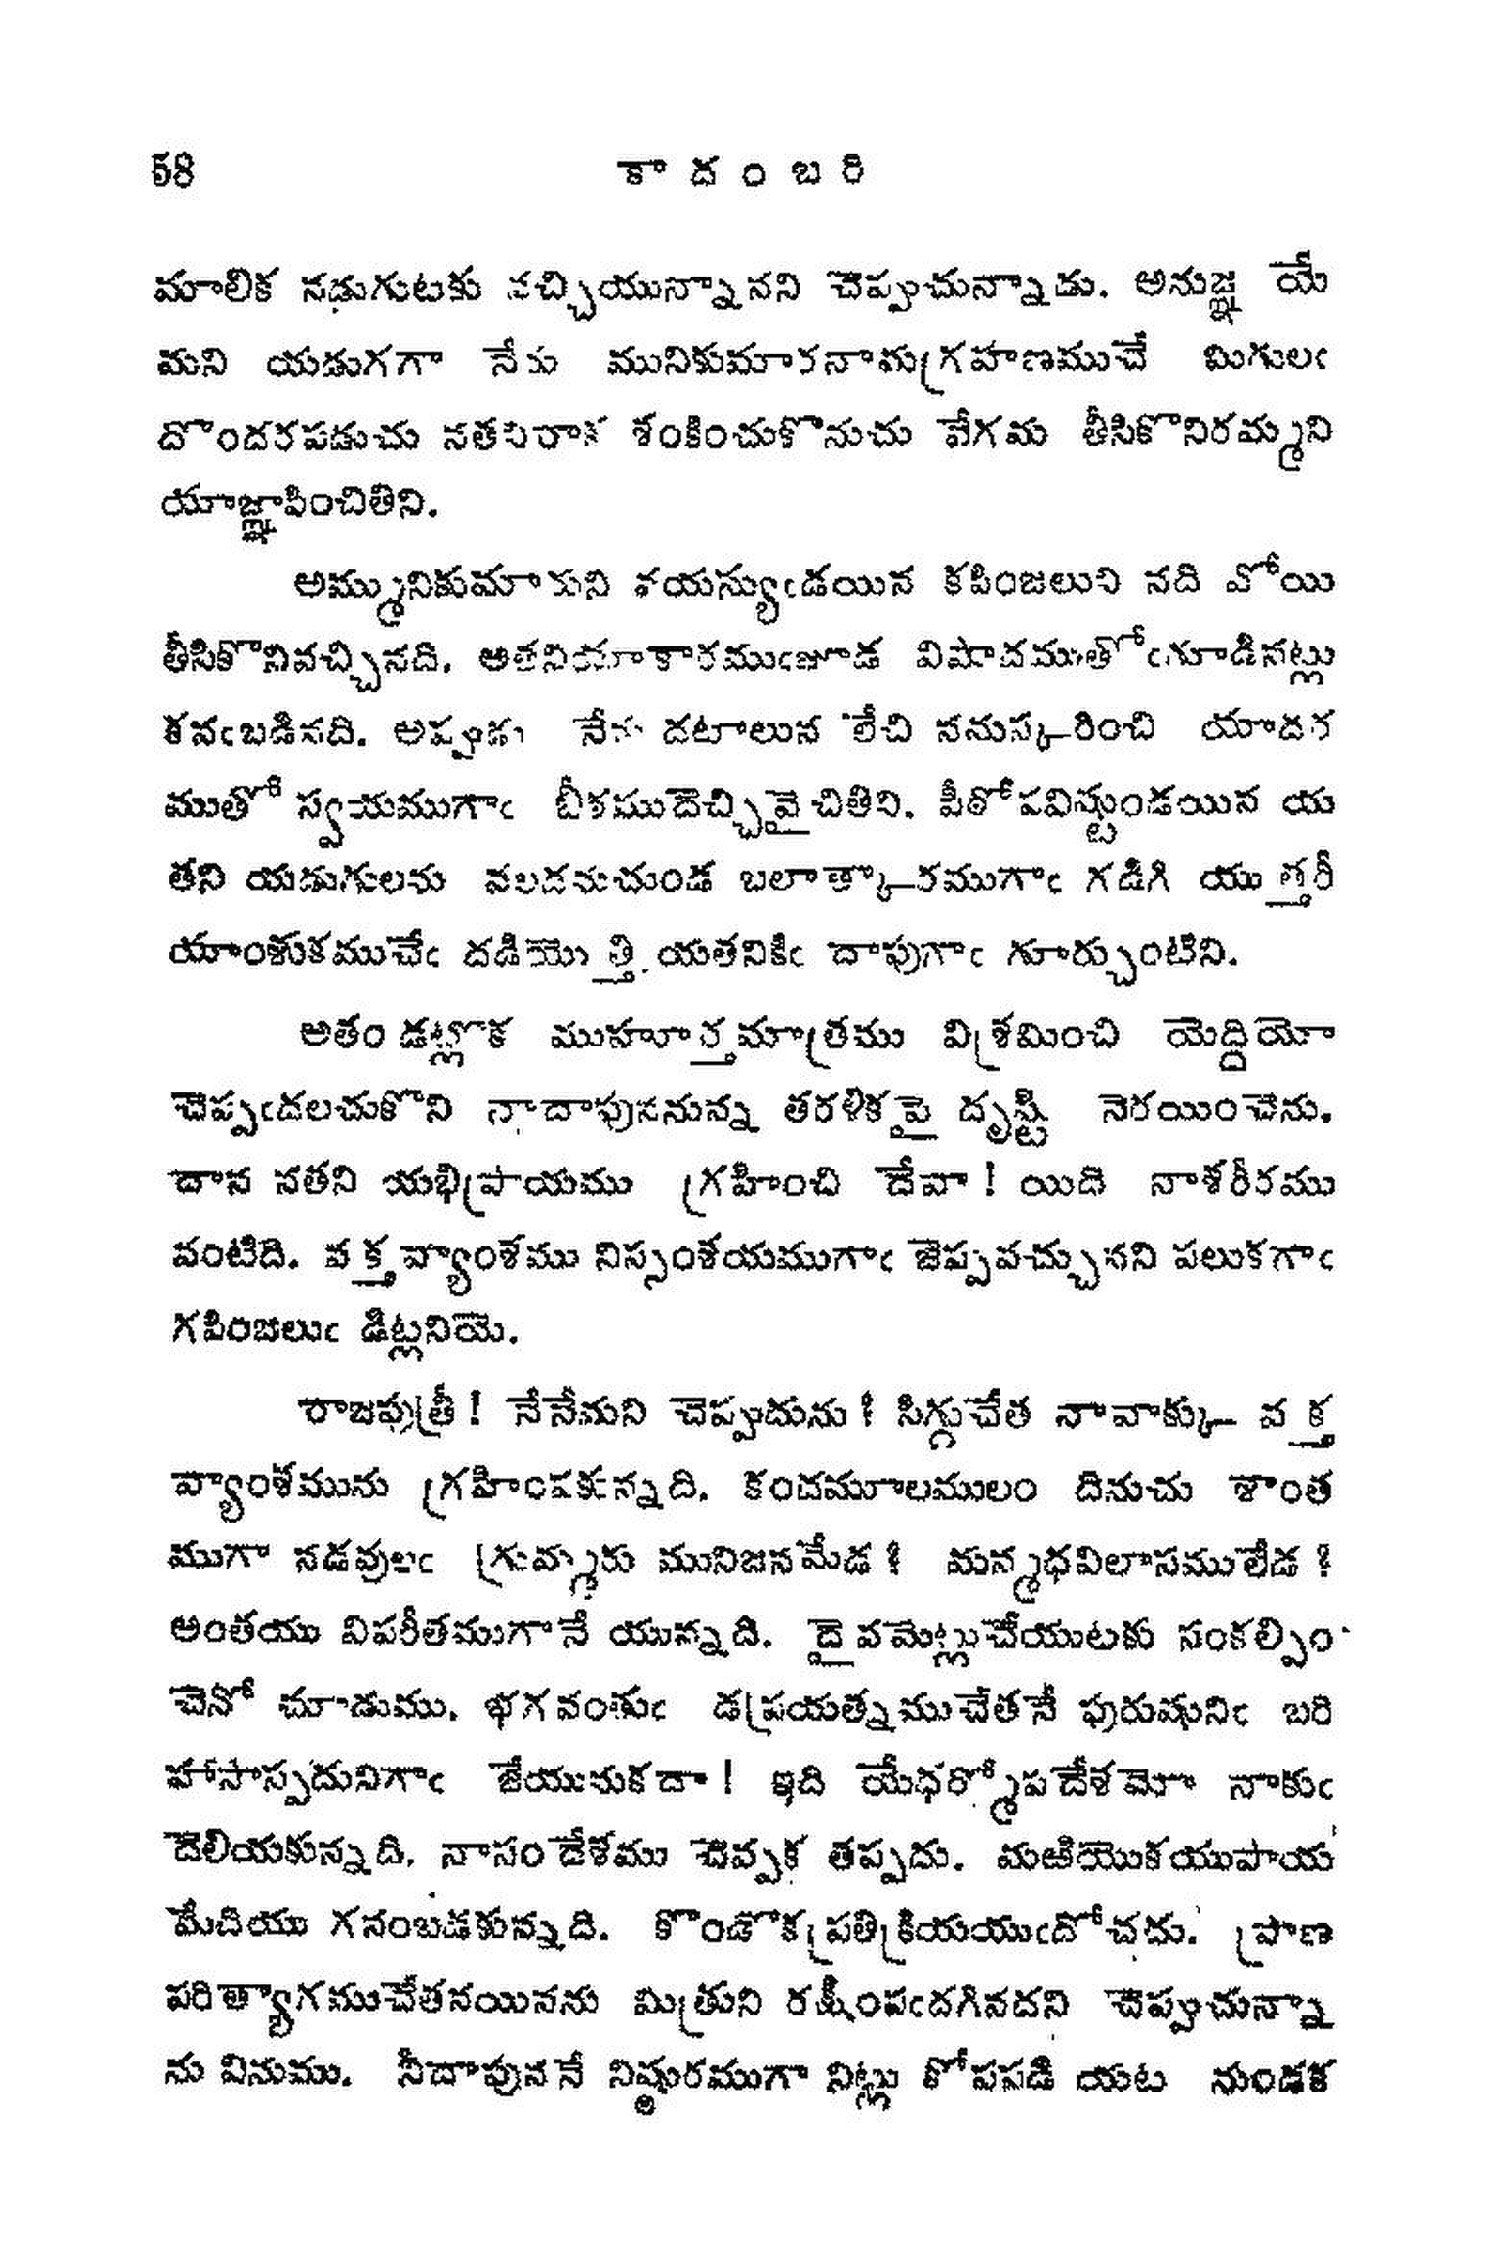మాలిక నడుగుటకు వచ్చియున్నానని చెప్పుచున్నాడు. అనుజ్ఞ యే మని యడుగగా నేను మునికుమారనామ గ్రహణముచే మిగులఁ దొందరపడుచు నతనిరాక శంకించుకొనుచు వేగమ తీసికొనిరమ్మని యాజ్ఞాపించితిని.

అమ్మునికుమారుని వయస్యుఁడయిన కపింజలుని నది వోయి తీసికొనివచ్చినది. అతనియాకారముఁజూడ విషాదముతోఁ గూడినట్లు కనఁబడినది. అప్పుడు నేను దటాలున లేచి నమస్కరించి యాదరముతో స్వయముగాఁ బీఠముదెచ్చివైచితిని. పీఠోపవిష్టుండయిన యతని యడుగులను వలదనుచుండ బలాత్కారముగాఁ గడిగి యుత్తరీయాంశుకుముచేఁ దడియొత్తి యతనికిఁ దాపుగాఁ గూర్చుంటిని.

అతం డట్లొక ముహూర్తమాత్రము విశ్రమించి యెద్దియో చెప్పఁదలచుకొని నాదాపుననున్న తరళికపై దృష్టి నెరయించెను. దాన నతని యభిప్రాయము గ్రహించి దేవా! యిది నాశరీరము వంటిది. వక్తవ్యాంశము నిస్సంశయముగాఁ జెప్పవచ్చునని పలుకగాఁ గపింజలుఁ డిట్లనియె.

రాజపుత్రీ! నేనేమని చెప్పుదును? సిగ్గుచేత నావాక్కు వక్తవ్యాంశమును గ్రహింపకున్నది. కందమూలములం దినుచు శాంతముగా నడవులఁ గ్రుమ్మరు మునిజనమేడ? మన్మధవిలాసములేడ? అంతయు విపరీతముగానే యున్నది. దైవమెట్లుచేయుటకు సంకల్పించెనో చూడుము. భగవంతుఁ డప్రయత్నముచేతనే పురుషునిఁ బరిహాస్పదునిగాఁ జేయునుకదా! ఇది యేధర్మోపదేశమో నాకుఁ దెలియకున్నది. నాసందేశము చెప్పక తప్పదు. మఱియొకయుపాయ మేదియు గనంబడకున్నది. కొండొకప్రతిక్రియయుఁదోచదు. ప్రాణ పరిత్యాగముచేతనయినను మిత్రుని రక్షింపఁదగినదని చెప్పుచున్నాను వినుము. నీదాపుననే నిష్ఠురముగా నిట్లు కోపపడి యట నుండక